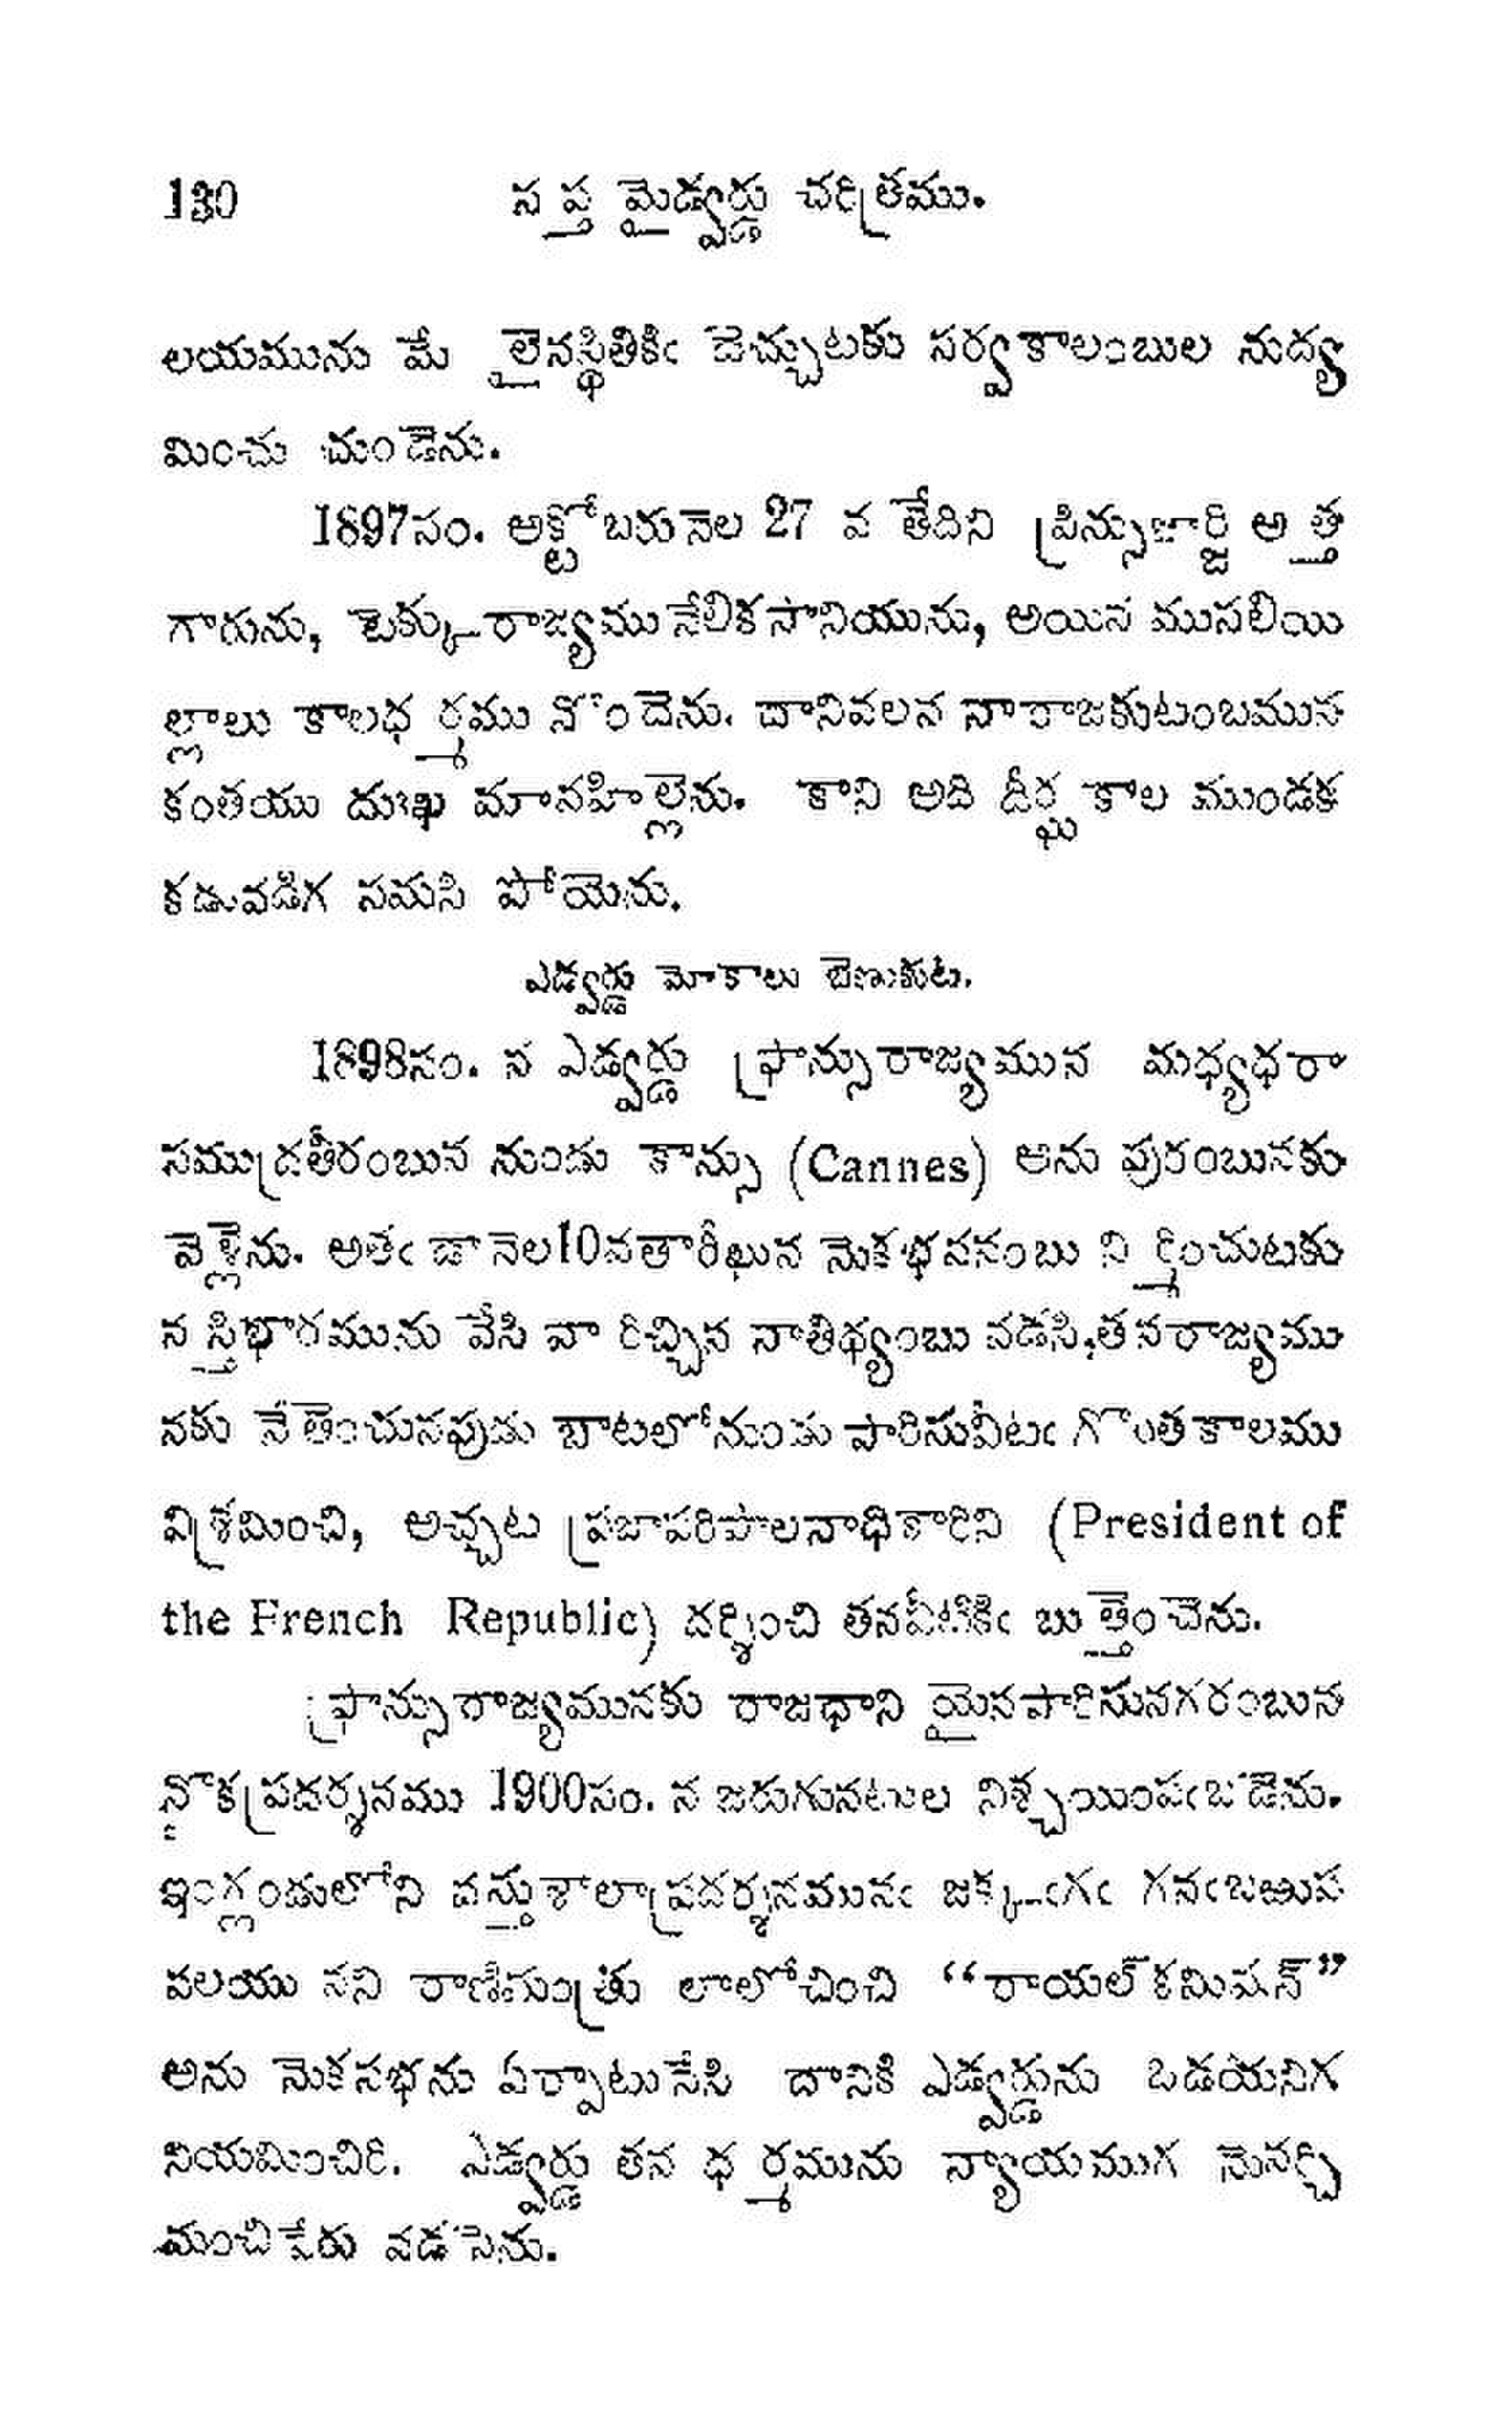లయమును మేలైన స్థితికిఁ దెచ్చుటకు సర్వకాలంబుల నుద్య మించు చుండెను.

1897 సం. అక్టోబరు నెల 27 వ తేదీని ప్రిన్సుజార్జి అత్త గారును, టెక్కు రాజ్యము నేలిక సానియును, అయిన ముసలియి ల్లాలు కాలధర్మము నొందెను. దానివలన నారాజకుటంబమును కంతయు దుఃఖ మావహిల్లెను. కాని అది దీర్ఘ కాల ముండక కడువడిగ సమసి పోయెను.

,

1898సం. స ఎడ్వర్డు ఫ్రాన్సు రాజ్యమున మధ్యధరా సముద్రతీరంబున నుండు కాన్సు (Cannes) అను పురంబునకు వెళ్లెను. అతడా నెల 10వ తారీఖున ఒక భననంబు నిర్మించుటకు న స్తిభారమును వేసి వారిచ్చిన నాతిథ్యంబు వడసి తన రాజ్యము నకు నేతెంచునపుడు బాటలో నుండు పారిసువీటఁ గొంత కాలము విశ్రమించి, అచ్చట ప్రజాపరిపాలనాధికారిని (President of the French Republic) దర్శించి తన వీటికిఁ బుత్తెంచెను.

ఫ్రాన్సు రాజ్యమునకు రాజధాని యైన పారిసునగరంబున నొక ప్రదర్శనము 1900సం. న జరుగునటుల నిశ్చయింపఁబడెను, ఇంగ్లండులోని వస్తుశాలా ప్రదర్శనమునఁ జక్కఁగఁ గనఁబఱప పలయు నని రాణిమంత్రు లాలోచించి “రాయల్ కమిషన్" అను ఒక సభను ఏర్పాటు చేసి దానికి ఎడ్వర్డును ఒడయనిగ నియమించిరి. ఎడ్వర్లు తన ధర్మమును న్యాయముగ నొనర్చి మంచి పేరు వడసెను.